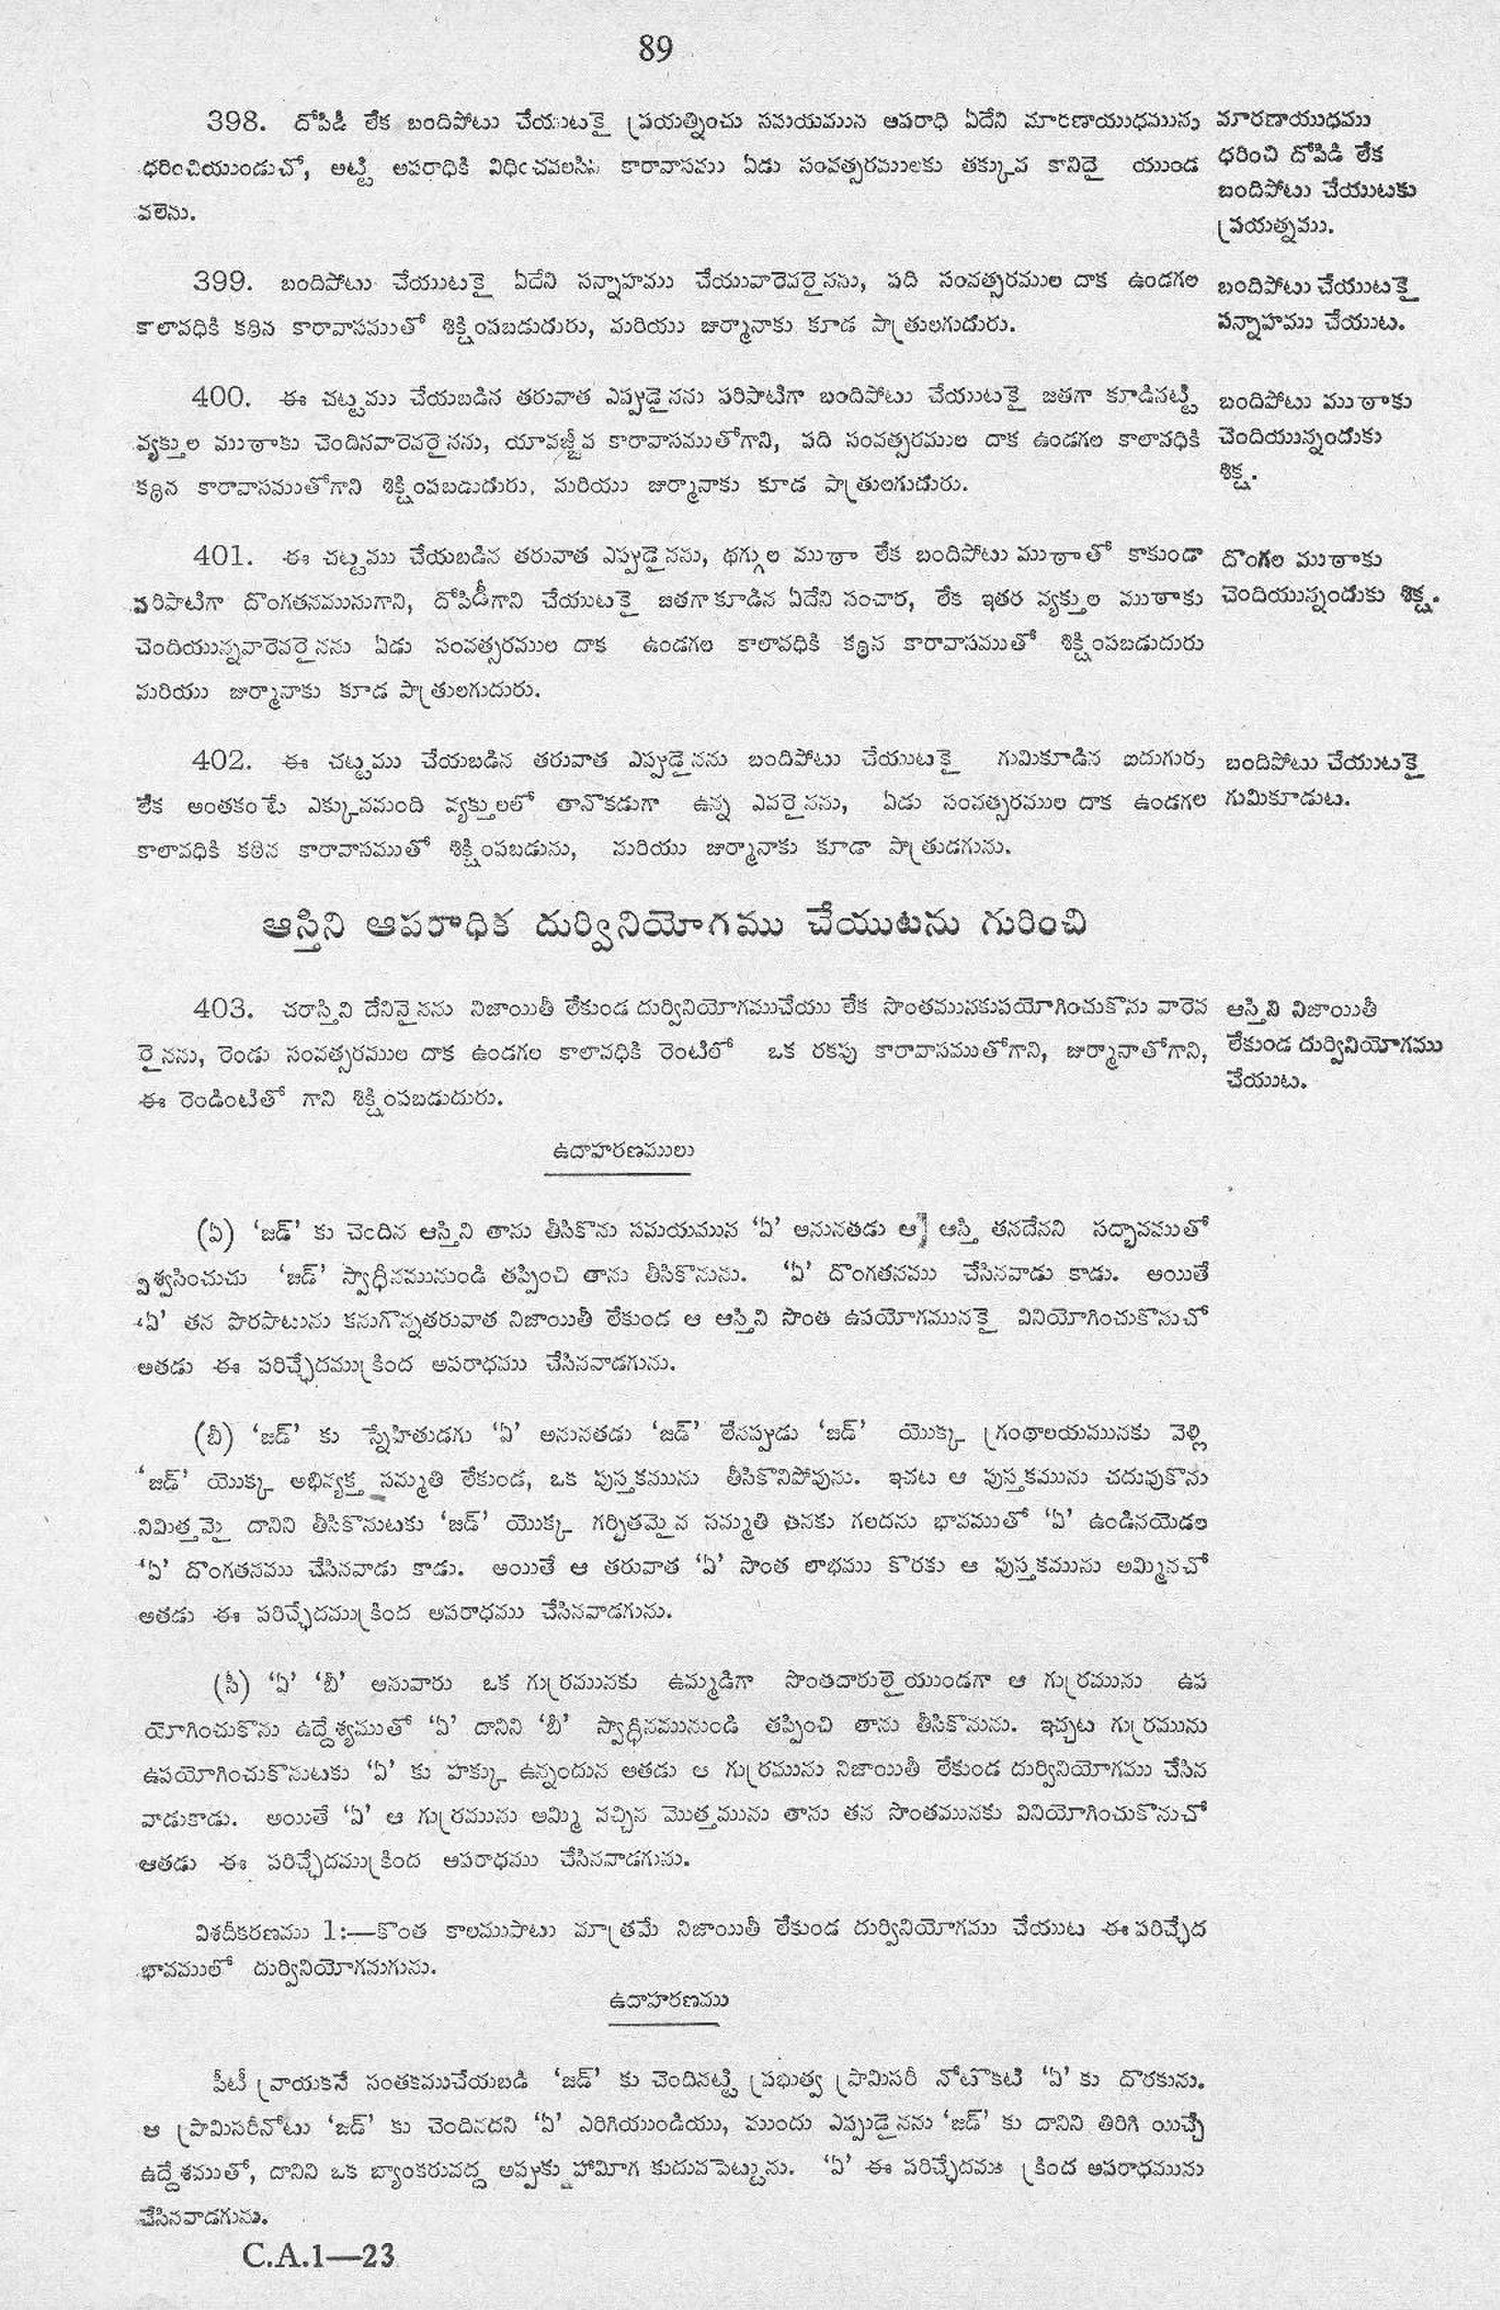మారణాయుధము ధరించి దోపిడి లేక బందిపోటు చేయుటకు ప్రయత్నము.

398. దోపిడీ లేక బందిపోటు చేయుటకై ప్రయత్నించు సమయమున ఆపరాధి ఏదేని మారణాయుధమును ధరించియుండుచో, అట్టి అపరాధికి విధిం చవలసిన కారావాసము ఏడు సంవత్సరములకు తక్కువ కానిదై యుండ వలెను.

బందిపోటు చేయుటకై సన్నాహము చేయుట.

399. బందిపోటు చేయుటకై ఏదేని సన్నాహము చేయువారెవరై నను, పది సంవత్సరముల దాక ఉండగల కాలావధికి కఠిన కారావాసముతో శిక్షింపబడుదురు, మరియు జుర్మానాకు కూడ పాత్రులగుదురు.

బందిపోటు ముఠాకు చెందియున్నందుకు శిక్ష.

400.ఈ చట్టము చేయబడిన తరువాత ఎప్పుడై నను పరిపాటిగా బందిపోటు చేయుటకై జతగా కూడినట్టి వ్యక్తుల ముఠాకు చెందినవారెవరైనను, యావజ్జీవ కారావాసముతోగాని, పది సంవత్సరముల దాక ఉండగల కాలావధికి కఠిన కారావాసముతోగాని శిక్షింపబడుదురు, మరియు జుర్మానాకు కూడ పాత్రులగుదురు.

దొంగల ముఠాకు చెందియున్నందుకు శిక్ష.

401. ఈ చట్టము చేయబడిన తరువాత ఎప్పుడైనను, థగ్గుల ముఠా లేక బందిపోటు ముఠాతో కాకుండా పరిపాటిగా దొంగతనమునుగాని, దోపిడీగాని చేయుటకై జతగా కూడిన ఏదేని సంచార, లేక ఇతర వ్యక్తుల ముఠాకు చెందియున్నవారెవరైనను ఏడు సంవత్సరముల దాక ఉండగల కాలావధికి కఠిన కారావాసముతో శిక్షింపబడుదురు మరియు జుర్మానాకు కూడ పాత్రులగుదురు.

బందిపోటు చేయుటకై గుమికూడుట.

402. . ఈ చట్టము చేయబడిన తరువాత ఎప్పుడైనను బందిపోటు చేయుటకై గుమికూడిన ఐదుగురు లేక అంతకంటే ఎక్కువమంది వ్యక్తులలో తానొకడుగా ఉన్న ఎవరైనను, ఏడు సంవత్సరముల దాక ఉండగల కాలావధికి కఠిన కారావాసముతో శిక్షింపబడును, సురియు జుర్మానాకు కూడా పాత్రుడగును.

ఆస్తిని నిజాయితీ లేకుండ దుర్వినియోగము చేయుట.

403. చరాస్తి ని దేనినై నను నిజాయితీ లేకుండ దుర్వినియోగముచేయు లేక సొంతమునకుపయోగించుకొను వారెవరైనను, రెండు సంవత్సరముల దాక ఉండగల కాలావధికి రెంటిలో ఒక రకపు కారావాసముతోగాని, జూర్మానాతోగాని, ఈ రెండింటితో గాని శిక్షింపబడుదురు.

(ఏ) 'జడ్' కు చెందిన ఆస్తిని తాసు తీసికొను సమయమున 'ఏ' అనునతడు ఆ ఆస్తి తనదేనని సద్భావముతో విశ్వసించుచు 'జడ్' స్వాధీనము నుండి తప్పించి తాను తీసికొనును. 'ఏ' దొంగతనము చేసినవాడు కాడు. అయితే 'ఏ' తన పొరపాటును కనుగొన్న తరువాత నిజాయితీ లేకుండ ఆ ఆస్తిని సొంత ఉపయోగమునకై వినియోగించుకొనుచో అతడు ఈ పరిచ్ఛేదము క్రింద అపరాధము చేసినవాడగును,

(బీ) 'జడ్' కు స్నేహితుడగు 'ఏ' అనునతడు. 'జడ్' లేనప్పుడు 'జడ్' యొక్క గ్రంథాలయమునకు వెళ్ళి 'జడ్' యొక్క అభివ్యక్త సమ్మతి లేకుండ, ఒక పుస్తకమును తీసికొనిపోవును. ఇచట ఆ పుస్తకమును చదువుకొను నిమిత్తమై దానిని తీసికొనుటకు 'జడ్' యొక్క గర్భితమైన సమ్మతి తనకు గలదను భావముతో 'ఏ' ఉండినయెడల 'ఏ' దొంగతనము చేసినవాడు కాడు. అయితే ఆ తరువాత 'ఏ' సొంత లాభము కొరకు ఆ పుస్తకమును అమ్మినచో అతడు ఈ పరిచ్ఛేదము క్రింద అపరాధము చేసినవాడగును.

(సి) 'ఏ' 'బీ' అనువారు ఒక గుర్రమునకు ఉమ్మడిగా సొంతదారులై యుండగా ఆ గుర్రమును ఉపయోగించుకొను ఉద్దేశ్యముతో 'ఏ' దానిని 'బి' స్వాధీనమునుండి తప్పించి తాను తీసికొనును. ఇచ్చట గుర్రమును ఉపయోగించుకొనుటకు 'ఏ' కు హక్కు ఉన్నందున అతడు ఆ గుర్రమును నిజాయితీ లేకుండ దుర్వినియోగము చేసిన వాడుకాడు. అయితే 'ఏ' ఆ గుర్రమును అమ్మి వచ్చిన మొత్తమును తాను తన సొంతమునకు వినియోగించుకొనుచో ఆతడు ఈ పరిచ్ఛేదము క్రింద అపరాధము చేసినవాడగును.

విశదీకరణము 1:— కొంత కాలముపాటు మాత్రమే నిజాయితీ లేకుండ దుర్వినియోగము చేయుట ఈ పరిచ్ఛేద భావములో దుర్వినియోగమగును.

పీటీ వ్రాయకనే సంతకము చేయబడి 'జడ్' కు చెందినట్టి ప్రభుత్వ ప్రామిసరీ నోటొకటి 'ఏ' కు దొరకును.ఆ ప్రామిసరీనోటు 'జడ్' కు చెందినదని 'ఏ' ఎరిగియుండియు, ముందు ఎప్పుడై నను 'జడ్' కు దానిని తిరిగి యిచ్చే ఉద్దేశముతో, దానిని ఒక బ్యాంకరువద్ద అప్పుకు హామీగ కుదువ పెట్టును. 'ఏ' ఈ పరిచ్ఛేదము క్రింద అపరాధమును చేసిన వాడగును.